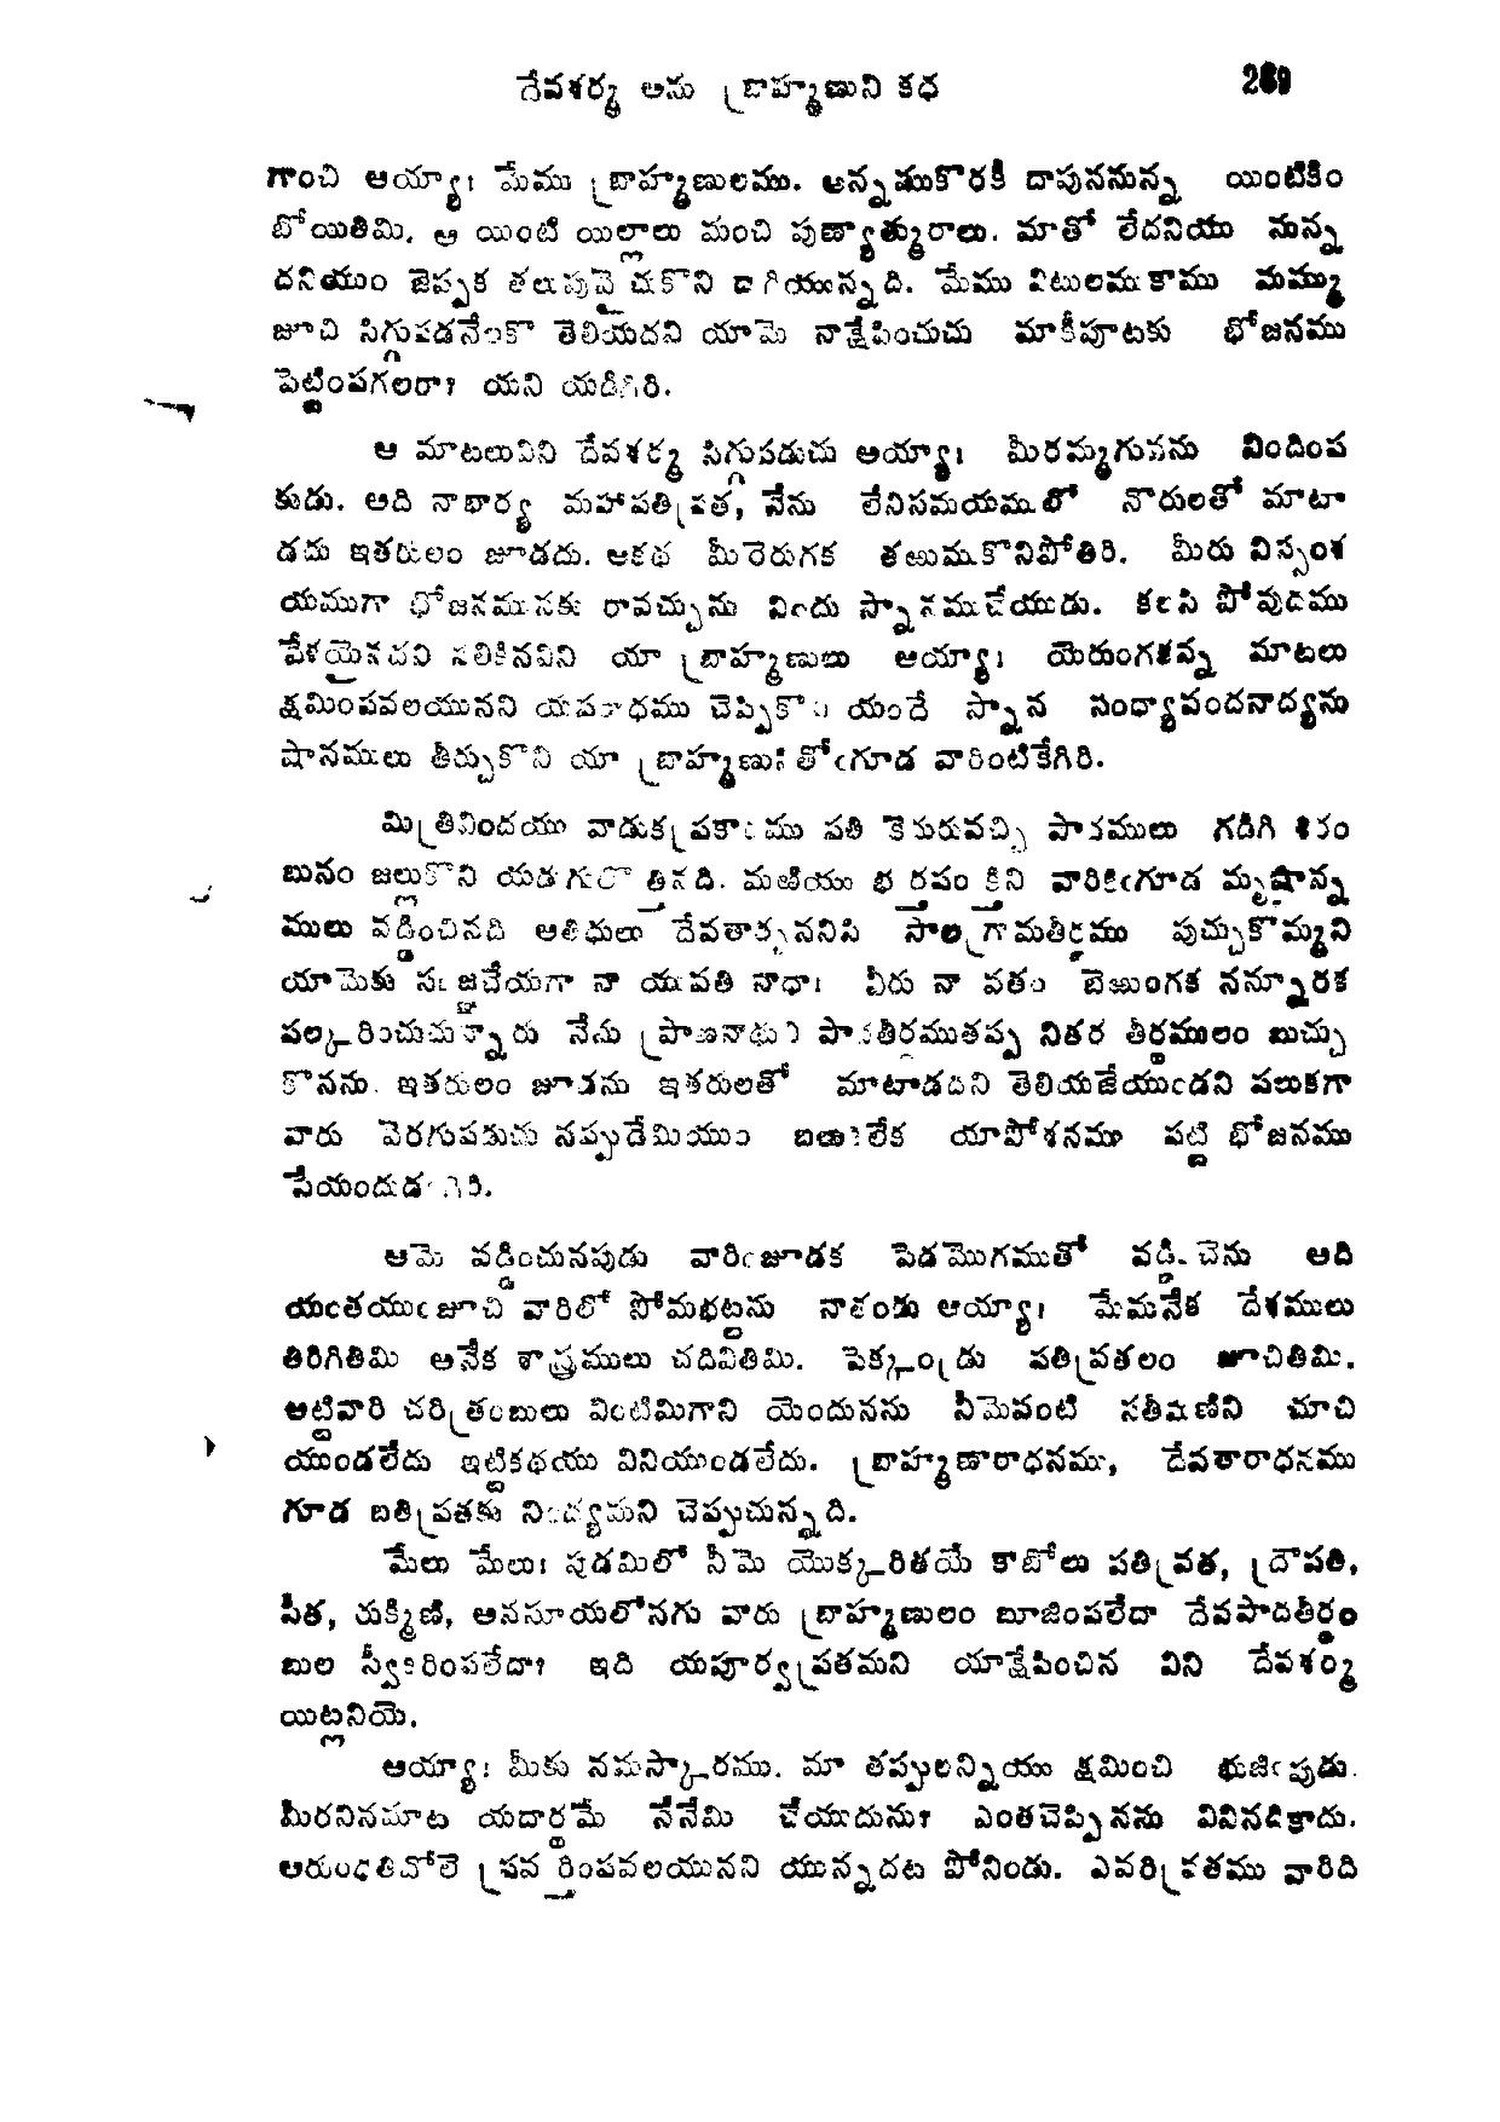గాంచి అయ్యా! మేము బ్రాహ్మణులము. అన్నముకొరకీ దాపుననున్న యింటికిం బోయితిమి. ఆ యింటి యిల్లాలు మంచి పుణ్యాత్మురాలు. మాతో లేదనియు నున్నదనియుం జెప్పక తలుపువైచుకొని దాగియున్నది. మేము విటులముకాము మమ్ము జూచి సిగ్గుపడనేలకొ తెలియదని యామె నాక్షేపించుచు మా కీపూటకు భోజనము పెట్టింపగలరా? యని యడిగిరి.

ఆ మాటలువిని దేవశర్మ సిగ్గుపడుచు అయ్యా! మీరమ్మగువను నిందింపకుడు. అది నాభార్య మహాపతివ్రత, నేను లేనిసమయములో నొరులతో మాటాడదు ఇతరులం జూడదు. ఆకథ మీరెరుగక తఱుముకొనిపోతిరి. మీరు విస్సంశయముగా భోజనమునకు రావచ్చును. నిందు స్నానముచేయుడు. కలసి పోవుదము వేళయైనదని పలికినవిని యా బ్రాహ్మణులు అయ్యా! యెరుంగకన్న మాటలు క్షమింపవలయునని యపరాధము చెప్పికొని యందే స్నానసంధ్యావందనాద్యనుష్టానములు తీర్చుకొని యా బ్రాహ్మణునితోఁగూడ వారింటికేగిరి.

మిత్రవిందయు వాడుకప్రకారము పతి కెదురువచ్చి పాదములు గడిగి శిరంబునం జల్లుకొని యడగులొత్తినది. మఱియు భర్తపంక్తిని వారికిఁగూడ మృష్టాన్నములు వడ్డించినది. అతిథులు దేవతార్చననిసి సాలగ్రామతీర్ధము పుచ్చుకొమ్మని యామెకు సంజ్ఞచేయగా నా యువతి నాథా! వీరు నా వ్రతం బెఱుంగక నన్నూరక పల్కరించుచున్నారు. నేను ప్రాణనాథుని పాదతీర్థముతప్ప నితర తీర్థములం బుచ్చుకొనను. ఇతరులం జూడను ఇతరులతో మాటాడదని తెలియజేయుండని పలుకగా వారు వెరగుపడుచు నప్పు డేమియుం బలుకలేక యాపోశనము పట్టి భోజనము సేయందుడంగిరి.

ఆమె వడ్డించునపుడు వారింజూడక పెడమొగముతో వడ్డించెను అది యంతయుఁ జూచి వారిలో సోమభట్టను నాతండు అయ్యా! మేమనేక దేశములు తిరిగితిమి అనేక శాస్త్రములు చదివితిమి. పెక్కండ్రు పతివ్రతలం జూచితిమి. అట్టివారి చరిత్రంబులు వింటిమిగాని యెందునను నీమెవంటి సతీమణిని చూచి యుండలేదు. ఇట్టికథయు వినియుండలేదు. బ్రాహ్మణారాధనము, దేవతారాధనము గూడ బతివ్రతకు నింద్యమని చెప్పుచున్నది.

మేలు మేలు! పుడమిలో నీమె యొక్కరితయే కాబోలు పతివ్రత, ద్రౌపతి, సీత, రుక్మిణి, అనసూయలోనగు వారు బ్రాహ్మణులం బూజింపలేదా దేవపాదతీర్థంబుల స్వీకరింపలేదా? ఇది యపూర్వవ్రతమని యాక్షేపించిన విని దేవశర్మ యిట్లనియె.

అయ్యా! మీకు నమస్కారము. మా తప్పులన్నియు క్షమించి భుజింపుడు. మీరనినమాట యథార్థమే నేనేమి చేయుదును? ఎంతచెప్పినను వినినదికాదు. అరుంధతివోలె ప్రవర్తింపవలయునని యున్నదట పోనిండు. ఎవరివ్రతము వారిది